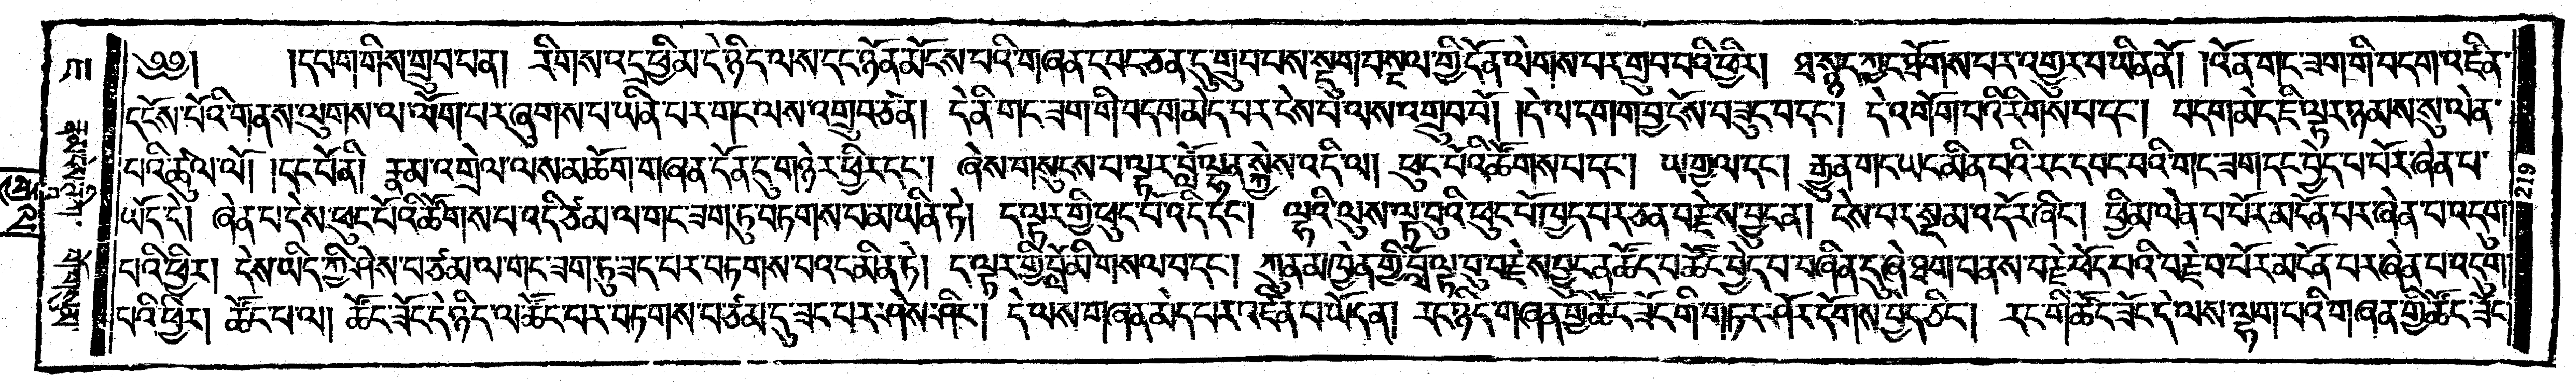༄༅། །དཔག་གིས་གྲུབ་པ་ན། རིགས་འདྲ་ཕྱི་མ་དེ་ཉིད་ལས་དང་ཉོན་མོངས་པའི་གཞན་དབང་ཅན་དུ་གྲུབ་པས་སྡུག་བསྔལ་གྱི་དོན་ལེགས་པར་གྲུབ་པའི་ཕྱིར། ཐ་སྙད་ཀྱང་ཐོགས་པར་འགྱུར་བ་ཡིན་ནོ། །འོ་ན་གང་ཟག་གི་བདག་འཛིན་
དངོས་པོའི་གནས་ལུགས་ལ་ལོག་པར་ཞུགས་པ་ཡིན་པར་གང་ལས་འགྲུབ་ཙ་ན། དེ་ནི་གང་ཟག་གི་བདག་མེད་པར་ངེས་པ་ལས་འགྲུབ་བོ། །དེ་ལ་དགག་བྱ་ངོས་བཟུང་བ་དང་། དེ་འགོག་པའི་རིགས་པ་དང་། བདག་མེད་ཇི་ལྟར་ཉམས་སུ་ལེན་
པའི་ཚུལ་ལོ། །དང་པོ་ནི། རྣམ་འགྲེལ་ལས་མཆོག་གཞན་དོན་དུ་གཉེར་ཕྱིར་དང་། ཞེས་གསུངས་པ་ལྟར་བློ་ལྷན་སྐྱེས་འདི་ལ། ཕུང་པོའི་ཚོགས་པ་དང་། ཡ་གྱལ་དང་། རྒྱུན་གང་ཡང་མིན་པའི་རང་དབང་བའི་གང་ཟག་དང་བྱེད་པ་པོར་ཞེན་པ་
ཡོད་དེ། ཞེན་པ་དེས་ཕུང་པོའི་ཚོགས་པ་འདི་ཙམ་ལ་གང་ཟག་ཏུ་བཏགས་པ་མ་ཡིན་ཏེ། ད་ལྟར་གྱི་ཕུང་པོ་འདི་དང་། ལྷའི་ལུས་ལྟ་བུའི་ཕུང་པོ་ཁྱད་པར་ཅན་བརྗེ་ས་བྱུང་ན། ངེས་པར་སྔ་མ་འདོར་ཞིང་། ཕྱི་མ་ལེན་པ་པོར་མངོན་པར་ཞེན་པ་འདུག་
པའི་ཕྱིར། དེས་ཡིད་ཀྱི་ཤེས་པ་ཙམ་ལ་གང་ཟག་ཏུ་ཟད་པར་བཏགས་པའང་མིན་ཏེ། ད་ལྟར་གྱི་བློ་མི་གསལ་བ་དང་། ཀུན་མཁྱེན་གྱི་བློ་ལྟ་བུ་བརྗེ་ས་བྱུང་ན་ཚོང་པ་ཚོང་བྱེད་པ་བཞིན་དུ་ཞེ་ཐག་པ་ནས་བརྗེ་ཕོད་པའི་བརྗེ་བ་པོར་མངོན་པར་ཞེན་པ་འདུག་
པའི་ཕྱིར། ཚོང་པ་ལ། ཚོང་ཟོང་དེ་ཉིད་ལ་ཚོང་བར་བཏགས་པ་ཙམ་དུ་ཟད་པར་ཤེས་ཤིང་། དེ་ལས་གཞན་མེད་པར་འཛིན་པ་ཡོད་ན། རང་ཉིད་གཞན་གྱི་ཚོང་ཟོང་གི་གཏར་ཤོར་དོགས་བྱེད་ཅིང་། རང་གི་ཚོང་ཟོང་དེ་ལས་ལྷག་པའི་གཞན་གྱི་ཚོང་ཟོང་